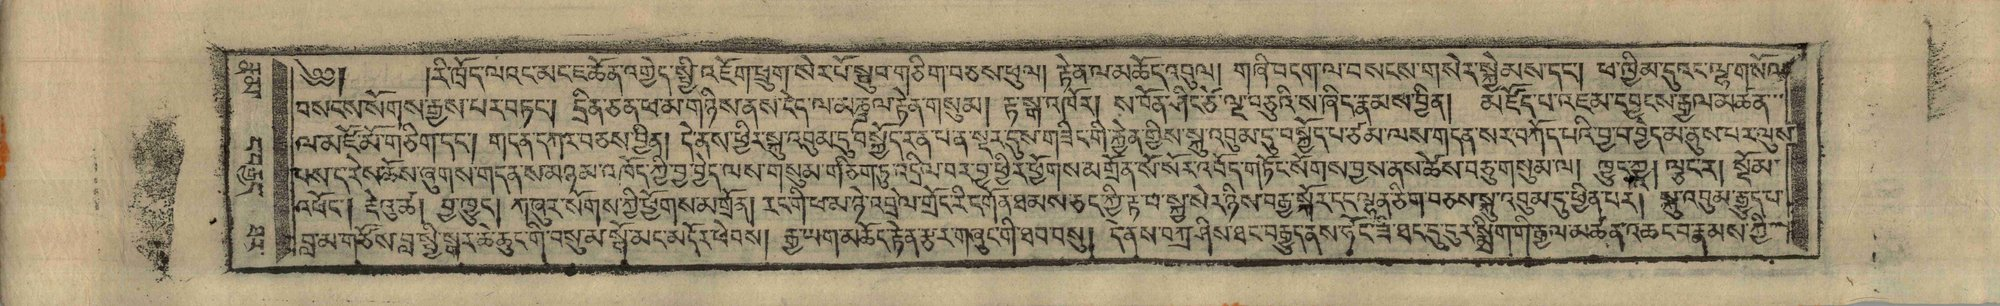༄༅། །རི་ཁྲོད་ལའང་མང་ཇ་ཆོན་འགྱེད་སྤྱི་འཇོག་ཕྲུག་སེར་པོ་སྦུབ་གཅིག་བཅས་ཕུལ། རྟེན་ལ་མཆོད་འབུལ། གཞི་བདག་ལ་བསངས་གསེར་སྐྱེམས་དང་། ཕ་ཁྱིམ་དུའང་ལྷ་གསོལ་
བསངས་སོགས་རྒྱས་པར་བཏང་། དྲིན་ཅན་ཕ་མ་གཉིས་ནས་ངེད་ལ་མཎྜལ་རྟེན་གསུམ། རྟ་སྒ་འཁོར། ས་བོན་ཤིང་ཙེ་ལྔ་བཅུའི་ས་ཞིང་རྣམས་བྱིན། མཛོད་པ་འཇམ་དབྱངས་རྒྱལ་མཚན་
ལ་མཛོ་མོ་གཅིག་དང་། གདན་དཀར་བཅས་བྱིན། དེ་ནས་ཕྱིར་སྐུ་འབུམ་དུ་བསྐྱོད་རན་པ་ན་སྔར་དུས་གཟིང་གི་རྐྱེན་གྱིས་སྐུ་འབུམ་དུ་བསྐྱོད་པ་ཙམ་ལས་གདན་སར་བཀོད་པའི་བྱ་བ་བྱེད་མ་ནུས་པར་ལུས་
པས་ད་རེས་ཆོས་ཞུགས་གདན་ས་མཉམ་འཁོད་ཀྱི་བྱ་བྱེད་ལས་གསུམ་གཅིག་ཏུ་འདྲིལ་བར་བྱ་ཕྱིར་ཕྱོགས་མགྲོན་སོ་སོར་འབོད་གཏོང་སོགས་བྱས་ནས་ཚེས་བཅུ་གསུམ་ལ། ཁྱུང་ཀྱཱ། ལྕང་ར། སྡོམ་
འཕོང་། རྡེའུ་ཚ། བྱ་ཁྱུང་། ཀ་ཞུར་སོགས་ཀྱི་ཕྱོགས་མགྲོན། རང་གི་ཕ་མ་ཉེ་འབྲེལ་གྲོང་རི་དགོན་ཐམས་ཅད་ཀྱི་རྟ་བ་སྐྱ་སེར་ཉིས་བརྒྱ་སྐོར་དང་ལྷན་ཅིག་བཅས་སྐུ་འབུམ་དུ་ཕྱིན་པར། སྐུ་འབུམ་རྒྱུད་པ་
བླ་མ་གཙོས་བླ་སྤྱི་སྒར་ཆེ་ཆུང་གི་བསུ་མ་སྒོ་མང་མདོར་ཕེབས། རྒྱ་ཡག་མཆོད་རྟེན་རྩར་གཞུང་གི་ཐབ་བསུ། དེ་ནས་བཀྲ་ཤིས་ཐང་བརྒྱུད་ནས་ཧོང་ཟི་ཐང་དུ་ངུར་སྨྲིག་གི་རྒྱལ་མཚན་འཆང་བ་རྣམས་ཀྱི་